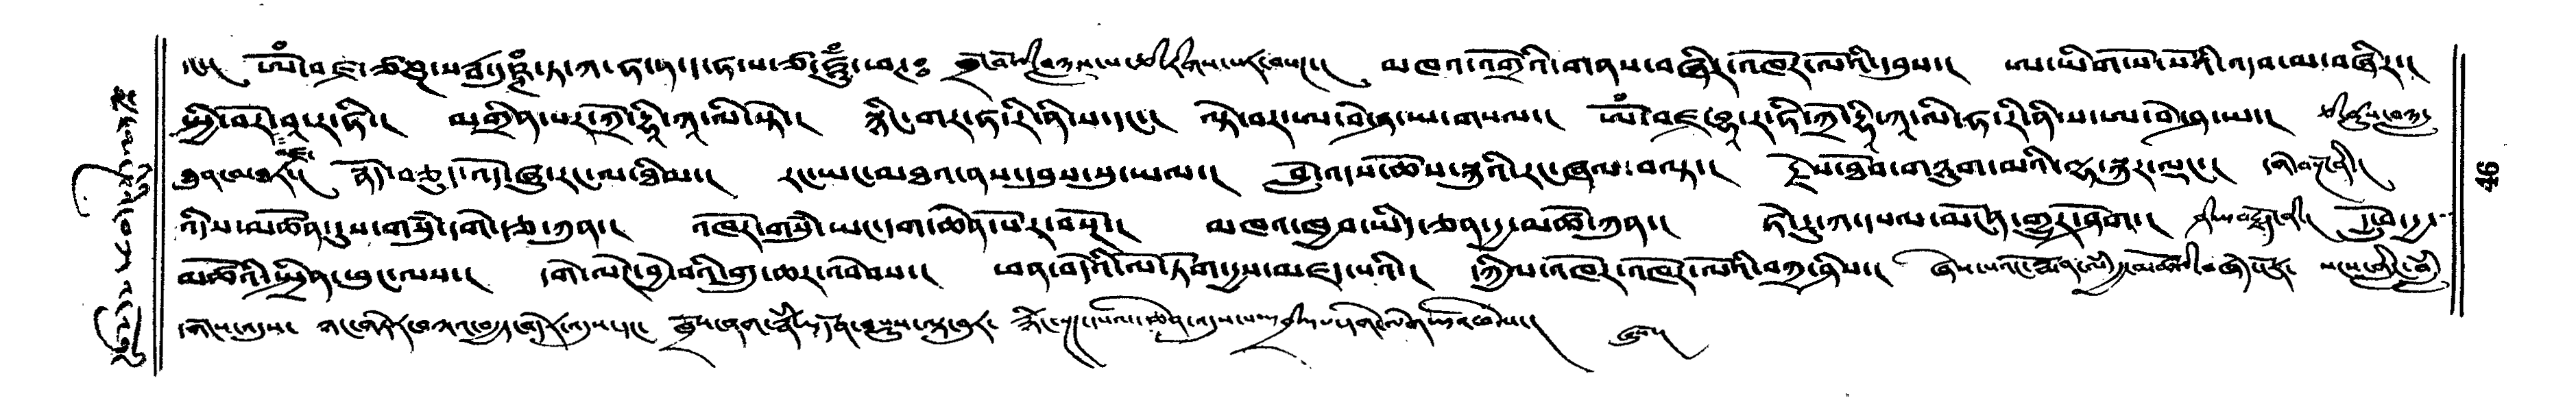དང་། ཨོཾ་བཛྲ་ཙཎྜ་སརྦ་དུཥྚཾ་ཏ་ཀ་ཧ་ན་ད་ཧ་པ་ཙ་ཧཱུྃ་ཕཊཿ ཁྲོ་བའི་བཟླས་པ་ཅི་རིགས་པར་བསག མཁའ་འགྲོའི་གནས་བཞིར་འཁོར་ལོའི་དབུས། །ཨ་ཡིག་སོ་སོའི་འདབ་མ་བཞིར། །
སྤྱི་བོར་བཛྲ་བཱ་ར་ཧི། །མགྲིན་པར་ཀྲོ་དྷཱི་ཀཱ་ལི་སྟེ། །སྙིང་གར་ཧ་རི་ནི་ས་དང་། །ལྟེ་བར་ཨ་བེ་ཤ་ཡ་གསལ། ཨོཾ་བཛྲ་བྷཱ་ར་ཧི་ཀྲོ་དྷཱི་ཀཱ་ལི་ཧ་རི་ནི་ས་ཨ་བཱེ་ཤ་ཡ། ཅི་ནུས་བཟླ་
ཐུན་མཐར།སྣོད་བཅུད་འོད་ཞུ་རང་ལ་ཐིམ། །རང་ཡང་མཐའ་ནས་དབུས་སུ་ཡལ། །བློ་འདས་ཆོས་སྐུའི་རང་ཞལ་བལྟ། །རྗེས་ཐོབ་གཉུག་མའི་ལྷ་སྐུར་ལྡང་། དགེ་བསྔོ་ནི། 
འདིས་མཚོན་དུས་གསུམ་དགེ་རྩ་ཀུན། །འཁོར་གསུམ་ཡང་དག་ཆེན་པོར་བསྔོ། །མཁའ་ཁྱབ་ཡིད་ཅན་རྒྱ་མཚོ་ཀུན། །ཧེ་རུ་ཀ་དཔལ་མངོན་གྱུར་ཤོག ཤིས་བརྗོད་ནི། དངོས་གྲུབ་རྒྱ་
མཚོའི་སྤྲིན་ཕུང་ལས། །དགེ་ལེགས་བྱེ་བའི་གྲུ་ཆར་འབེབས། །ཕན་བདེའི་ལོ་ཏོག་རྒྱས་མཛད་པའི། །དཀྱིལ་འཁོར་འཁོར་ལོའི་བཀྲ་ཤིས་ཤོག ཅེས་པའང་སྨོན་ལམ་རྒྱ་མཚོའི་བཞེད་ངོར། སངས་གླིང་བླ་མ་
དགོངས་འདུས། ཉང་གཏེར་བཀའ་བརྒྱད་བདེ་འདུས་དང་། ཁྲོས་ནག་རྣམས་ཀྱི་དོན་བསྡུས་ལྟ་བུར། རྙིང་སྔགས་དཔལ་ཆེན་འདུས་པས་བྲིས་པ་དགེ་ལེགས་འཕེལ། ཞུས་སོ།། མངྒ་ལཾ།།